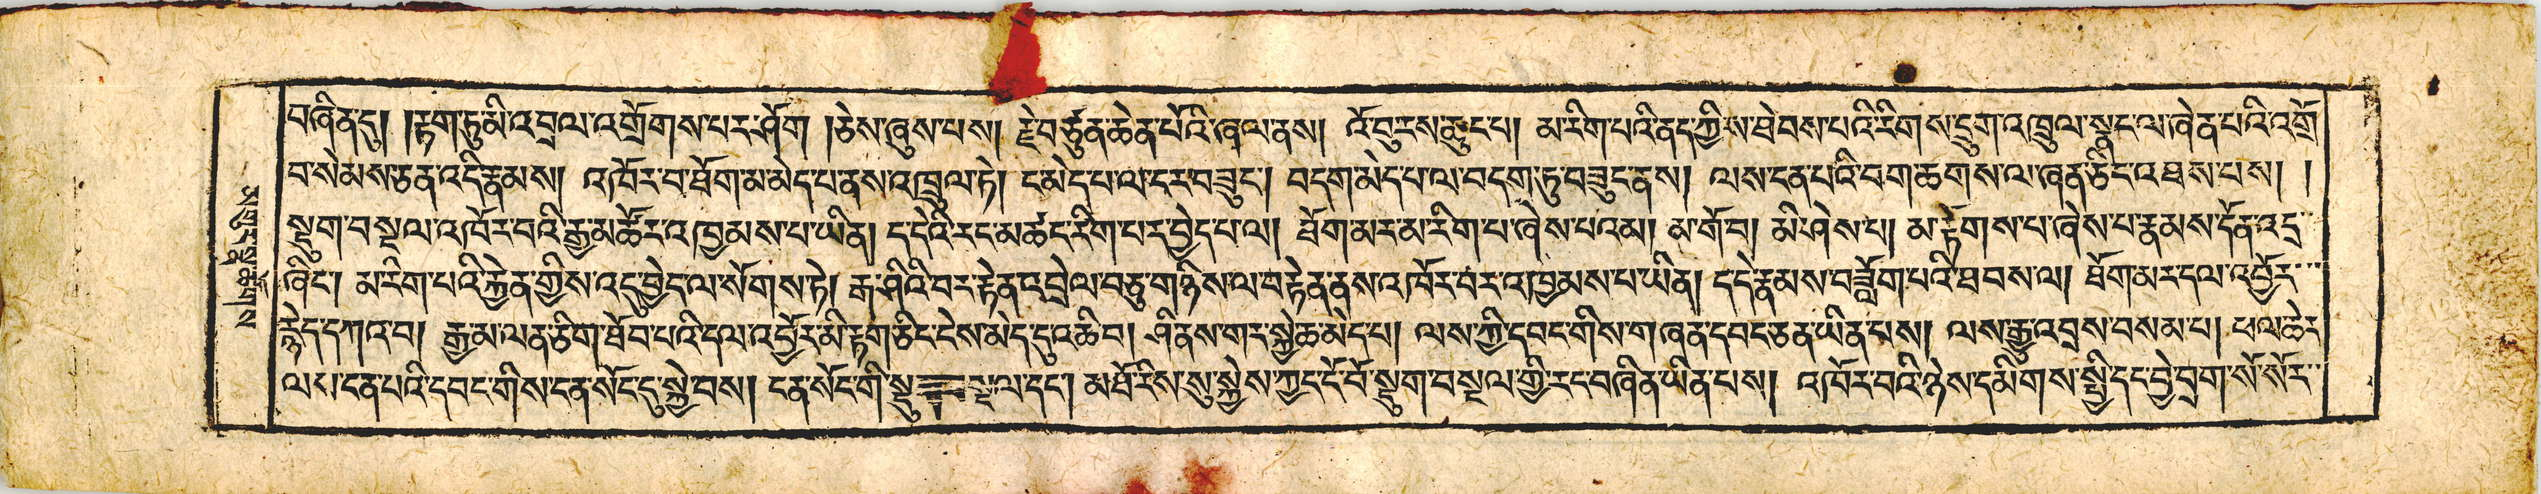བཞིན་དུ། །རྟག་ཏུ་མི་འབྲལ་འགྲོགས་པར་ཤོག །ཅེས་ཞུས་པས། རྗེ་བཙུན་ཆེན་པོའི་ཞལ་ནས།འོ་བུ་རས་ཆུང་པ། མ་རིག་པའི་ནད་ཀྱིས་ཐེབས་པའི་རིགས་དྲུག་འཁྲུལ་སྣང་ལ་ཞེན་པའི་འགྲོ་
བ་སེམས་ཅན་འདི་རྣམས། འཁོར་བ་ཐོག་མ་མེད་པ་ནས་འཁྲུལ་ཏེ། ང་མེད་པ་ལ་ངར་བཟུང་། བདག་མེད་པ་ལ་བདག་ཏུ་བཟུང་ནས། ལས་ངན་པའི་བག་ཆགས་ལ་ཞན་ཅིང་འཐས་པས། །
སྡུག་བསྔལ་འཁོར་བའི་རྒྱ་མཚོར་འཁྱམས་པ་ཡིན། ད་དེའི་རང་མཚང་རིག་པར་བྱེད་པ་ལ། ཐོག་མར་མ་རིག་པ་ཞེས་པའམ། མ་གོ་བ། མི་ཤེས་པ། མ་རྟོགས་པ་ཞེས་པ་རྣམས་དོན་འདྲ་
ཞིང་། མ་རིག་པའི་རྐྱེན་གྱིས་འདུ་བྱེད་ལ་སོགས་ཏེ། རྒ་ཤིའི་བར་རྟེན་འབྲེལ་བཅུ་གཉིས་ལ་བརྟེན་ནས་འཁོར་བར་འཁྱམས་པ་ཡིན། ད་དེ་རྣམས་བཟློག་པའི་ཐབས་ལ། ཐོག་མར་དལ་འབྱོར་
རྙེད་དཀའ་བ། རྒྱ་ལ་ལན་ཅིག་ཐོབ་པའི་དལ་འབྱོར་མི་རྟག་ཅིང་ངེས་མེད་དུ་འཆི་བ། ཤི་ནས་གར་སྐྱེ་ཆ་མེད་པ། ལས་ཀྱི་དབང་གིས་གཞན་དབང་ཅན་ཡིན་པས། ལས་རྒྱ་འབྲས་བསམ་པ། ཕལ་ཆེར་
ལས་ངན་པའི་དབང་གིས་ངན་སོང་དུ་སྐྱེ་བས། ངན་སོང་གི་སྡུག་བསྔལ་དང་། མཐོ་རིས་སུ་སྐྱེས་ཀྱང་ངོ་བོ་སྡུག་བསྔལ་གྱི་རང་བཞིན་ཡིན་པས། འཁོར་བའི་ཉེས་དམིགས་སྤྱི་དང་བྱེ་བྲག་སོ་སོར་